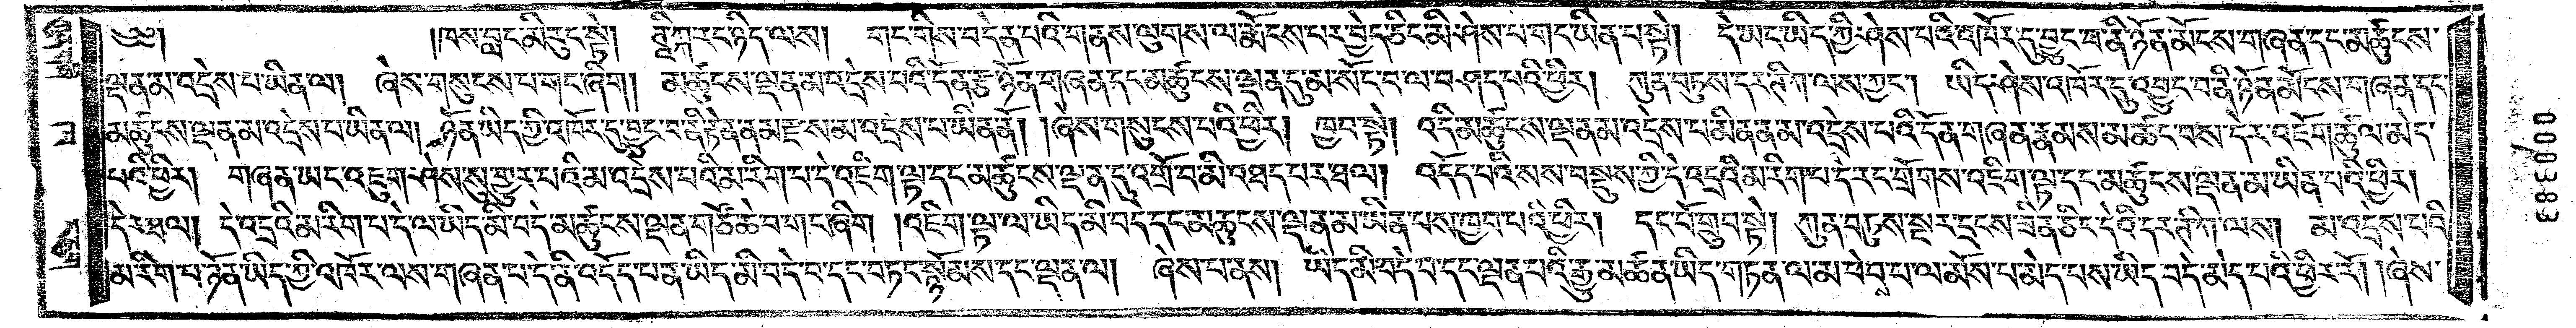༄༅། །ཁས་བླང་མི་རུང་སྟེ། ཊཱིཀྐ་རང་ཉིད་ལས། གང་གིས་བདེན་པའི་གནས་ལུགས་ལ་རྨོངས་པར་བྱེད་ཅིང་མི་ཤེས་པ་གང་ཡིན་པ་སྟེ། དེ་ཡང་ཡིད་ཀྱི་ཤེས་པའི་འཁོར་དུ་བྱུང་བ་ནི་ཉོན་མོངས་གཞན་དང་མཚུངས་
ལྡན་མ་འདྲེས་པ་ཡིན་ལ། ཞེས་གསུངས་པ་གང་ཞིག། མཚུངས་ལྡན་མ་འདྲེས་པའི་དོན་རྩ་ཉོན་གཞན་དང་མཚུངས་ལྡན་དུ་མ་སོང་བ་ལ་བཤད་པའི་ཕྱིར། ཀུན་བཏུས་དར་ཊིཀ་ལས་ཀྱང་། ཡིད་ཤེས་འཁོར་དུ་འབྱུང་བ་ནི་ཉོན་མོངས་གཞན་དག་
མཚུངས་ལྡན་མ་འདྲེས་པ་ཡིན་ལ། ཉོན་ཡིད་ཀྱི་འཁོར་དུ་བྱུང་བ་ནི་རྟེན་ན་མྲྫས་མ་འདྲེས་པ་ཡིན་ནོ། །ཞེས་གསུངས་པའི་ཕྱིར། ཁྱབ་སྟེ། འདི་མཚུངས་ལྡན་མ་འདྲེས་པ་མིན་ནམ་འདྲེས་པའི་དོན་གཞན་རྣམས་མ་ཚང་བས་དེར་འཇོག་ཚུལ་མེད་
པའི་ཕྱིར། གཞན་ཡང་འཇུག་ཤེས་སུ་གྱུར་པའི་མ་འདྲེས་པའི་མ་རིག་པ་དེ་འཇིག་ལྟ་དང་མཚུངས་ལྡན་དུ་འགྲོ་བ་མི་འཐད་པར་ཐལ། འདོད་པའི་སས་བསྡུས་ཀྱི་དེ་འདྲའི་མ་རིག་པ་དེ་རང་གྲོགས་འཇིག་ལྟ་དང་མཚུངས་ལྡན་མ་ཡིན་པའི་ཕྱིར།
དེར་ཐལ། དེ་འདྲའི་མ་རིག་པ་དེ་ལ་ཡིད་མི་བདེ་མཚུངས་ལྡན་གཙོ་ཆེ་བ་གང་ཞིག །འཇིག་ལྟ་ལ་ཡིད་མི་བདེ་དང་མཚུངས་ལྡན་མ་ཡིན་པས་ཁྱབ་པའི་ཕྱིར། དང་པོ་གྲུབ་སྟེ། ཀུན་བཏུས་སྔར་དྲངས་ཟིན་ཅིང་དེའི་དར་ཊིཀ་ལས། མ་འདྲེས་པའི་
མ་རིག་པ་ཉོན་ཡིད་ཀྱི་འཁོར་ལས་གཞན་པ་དེ་ནི་འདོད་པ་ན་ཡིད་མི་བདེ་བ་དང་བཏང་སྙོམས་དང་ལྡན་ལ། ཞེས་པ་ནས། ཡིད་མི་བདེ་བ་དང་ལྡན་པའི་རྒྱུ་མཚན་ཡིད་གཏན་ལ་མ་འཕེབ་པ་ལ་མོས་པ་མེད་པས་ཡིད་བདེ་མེད་པའི་ཕྱིར་རོ། །ཞེས་